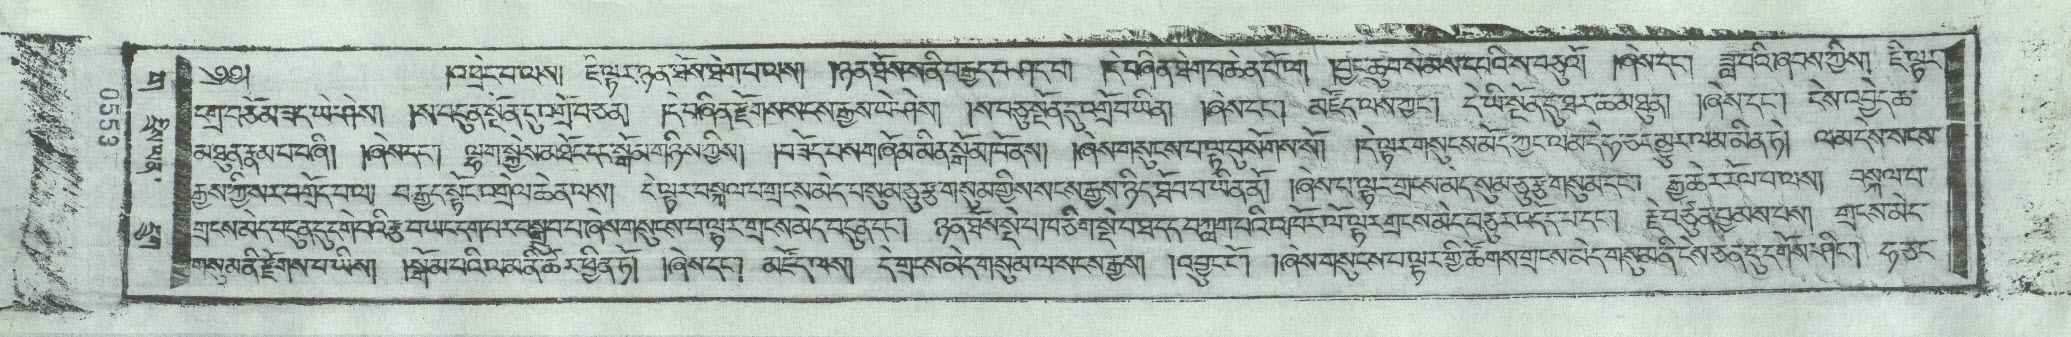༄༅། །འཕྲེང་བ་ལས། ཇི་ལྟར་ཉན་ཐོས་ཐེག་པ་ལས། །ཉན་ཐོས་ས་ནི་བརྒྱད་བཤད་པ། །དེ་བཞིན་ཐེག་པ་ཆེན་པོ་ལ། །བྱང་ཆུབ་སེམས་དཔའི་ས་བཅུའོ། །ཞེས་དང་། ཟླ་བའི་ཞབས་ཀྱིས། ཇི་ལྟར་
དགྲ་བཅོམ་ཟད་ཡེ་ཤེས། །ས་བདུན་སྔོན་དུ་འགྲོ་བ་ཅན། །དེ་བཞིན་རྫོགས་སངས་རྒྱས་ཡེ་ཤེས། །ས་བཅུ་སྔོན་དུ་འགྲོ་བ་ཡིན། །ཞེས་དང་། མཛོད་ལས་ཀྱང་། དེ་ཡི་སྔོན་དུ་ཐར་ཆ་མཐུན། །ཞེས་དང་། ངེས་འབྱེད་ཆ་
མཐུན་རྣམ་པ་བཞི། །ཞེས་དང་། ལྷག་སྐྱེས་མཐོང་དང་སྒོམ་གཉིས་ཀྱིས། །བཟོད་པས་གཞོམ་མིན་སྒོམ་ཁོ་ནས། །ཞེས་གསུངས་པ་ལྟ་བུ་སོགས་སོ། །དེ་ལྟར་གསུངས་མོད་ཀྱང་ལམ་དེ་ཧ་ཅང་མྱུར་ལམ་མིན་ཏེ། ལམ་དེས་སངས་
རྒྱས་ཀྱི་སར་བགྲོད་པ་ལ། བརྒྱད་སྟོང་འགྲེལ་ཆེན་ལས། དེ་ལྟར་བསྐལ་པ་གྲངས་མེད་པ་སུམ་ཅུ་རྩ་གསུམ་གྱིས་སངས་རྒྱས་ཉིད་ཐོབ་པ་ཡིན་ནོ། །ཞེས་པ་ལྟར་གྲངས་མེད་སུམ་ཅུ་རྩ་གསུམ་དང་། རྒྱ་ཆེར་རོལ་པ་ལས། བསྐལ་པ་
གྲངས་མེད་འདུན་དུ་དགེ་བའི་རྩ་བ་ཡང་དག་པར་བསྒྲུབ་པ་ཞེས་གསུངས་པ་ལྟར་གྲངས་མེད་བདུན་དང་། ཉན་ཐོས་སྡེ་པ་ཁ་ཅིག་སྡེ་པ་ཐ་དད་བཀླག་པའི་འཁོར་ལོ་ལྟར་གྲངས་མེད་བཅུར་འདོད་པ་དང་། རྗེ་བཙུན་བྱམས་པས། གྲངས་མེད་
གསུམ་ནི་རྫོགས་པ་ཡིས། །སྒོམ་པའི་ལམ་ནི་ཚར་ཕྱིན་ཏོ། །ཞེས་དང་། མཛོད་ལས། དེ་གྲངས་མེད་གསུམ་ལ་སངས་རྒྱས། །འབྱུང་ངོ། །ཞེས་གསུངས་པ་ལྟར་གྱི་ཚོགས་གྲངས་མེད་གསུམ་ནི་ངེས་ཅན་དུ་དགོས་ཤིང་། ཧ་ཅང་